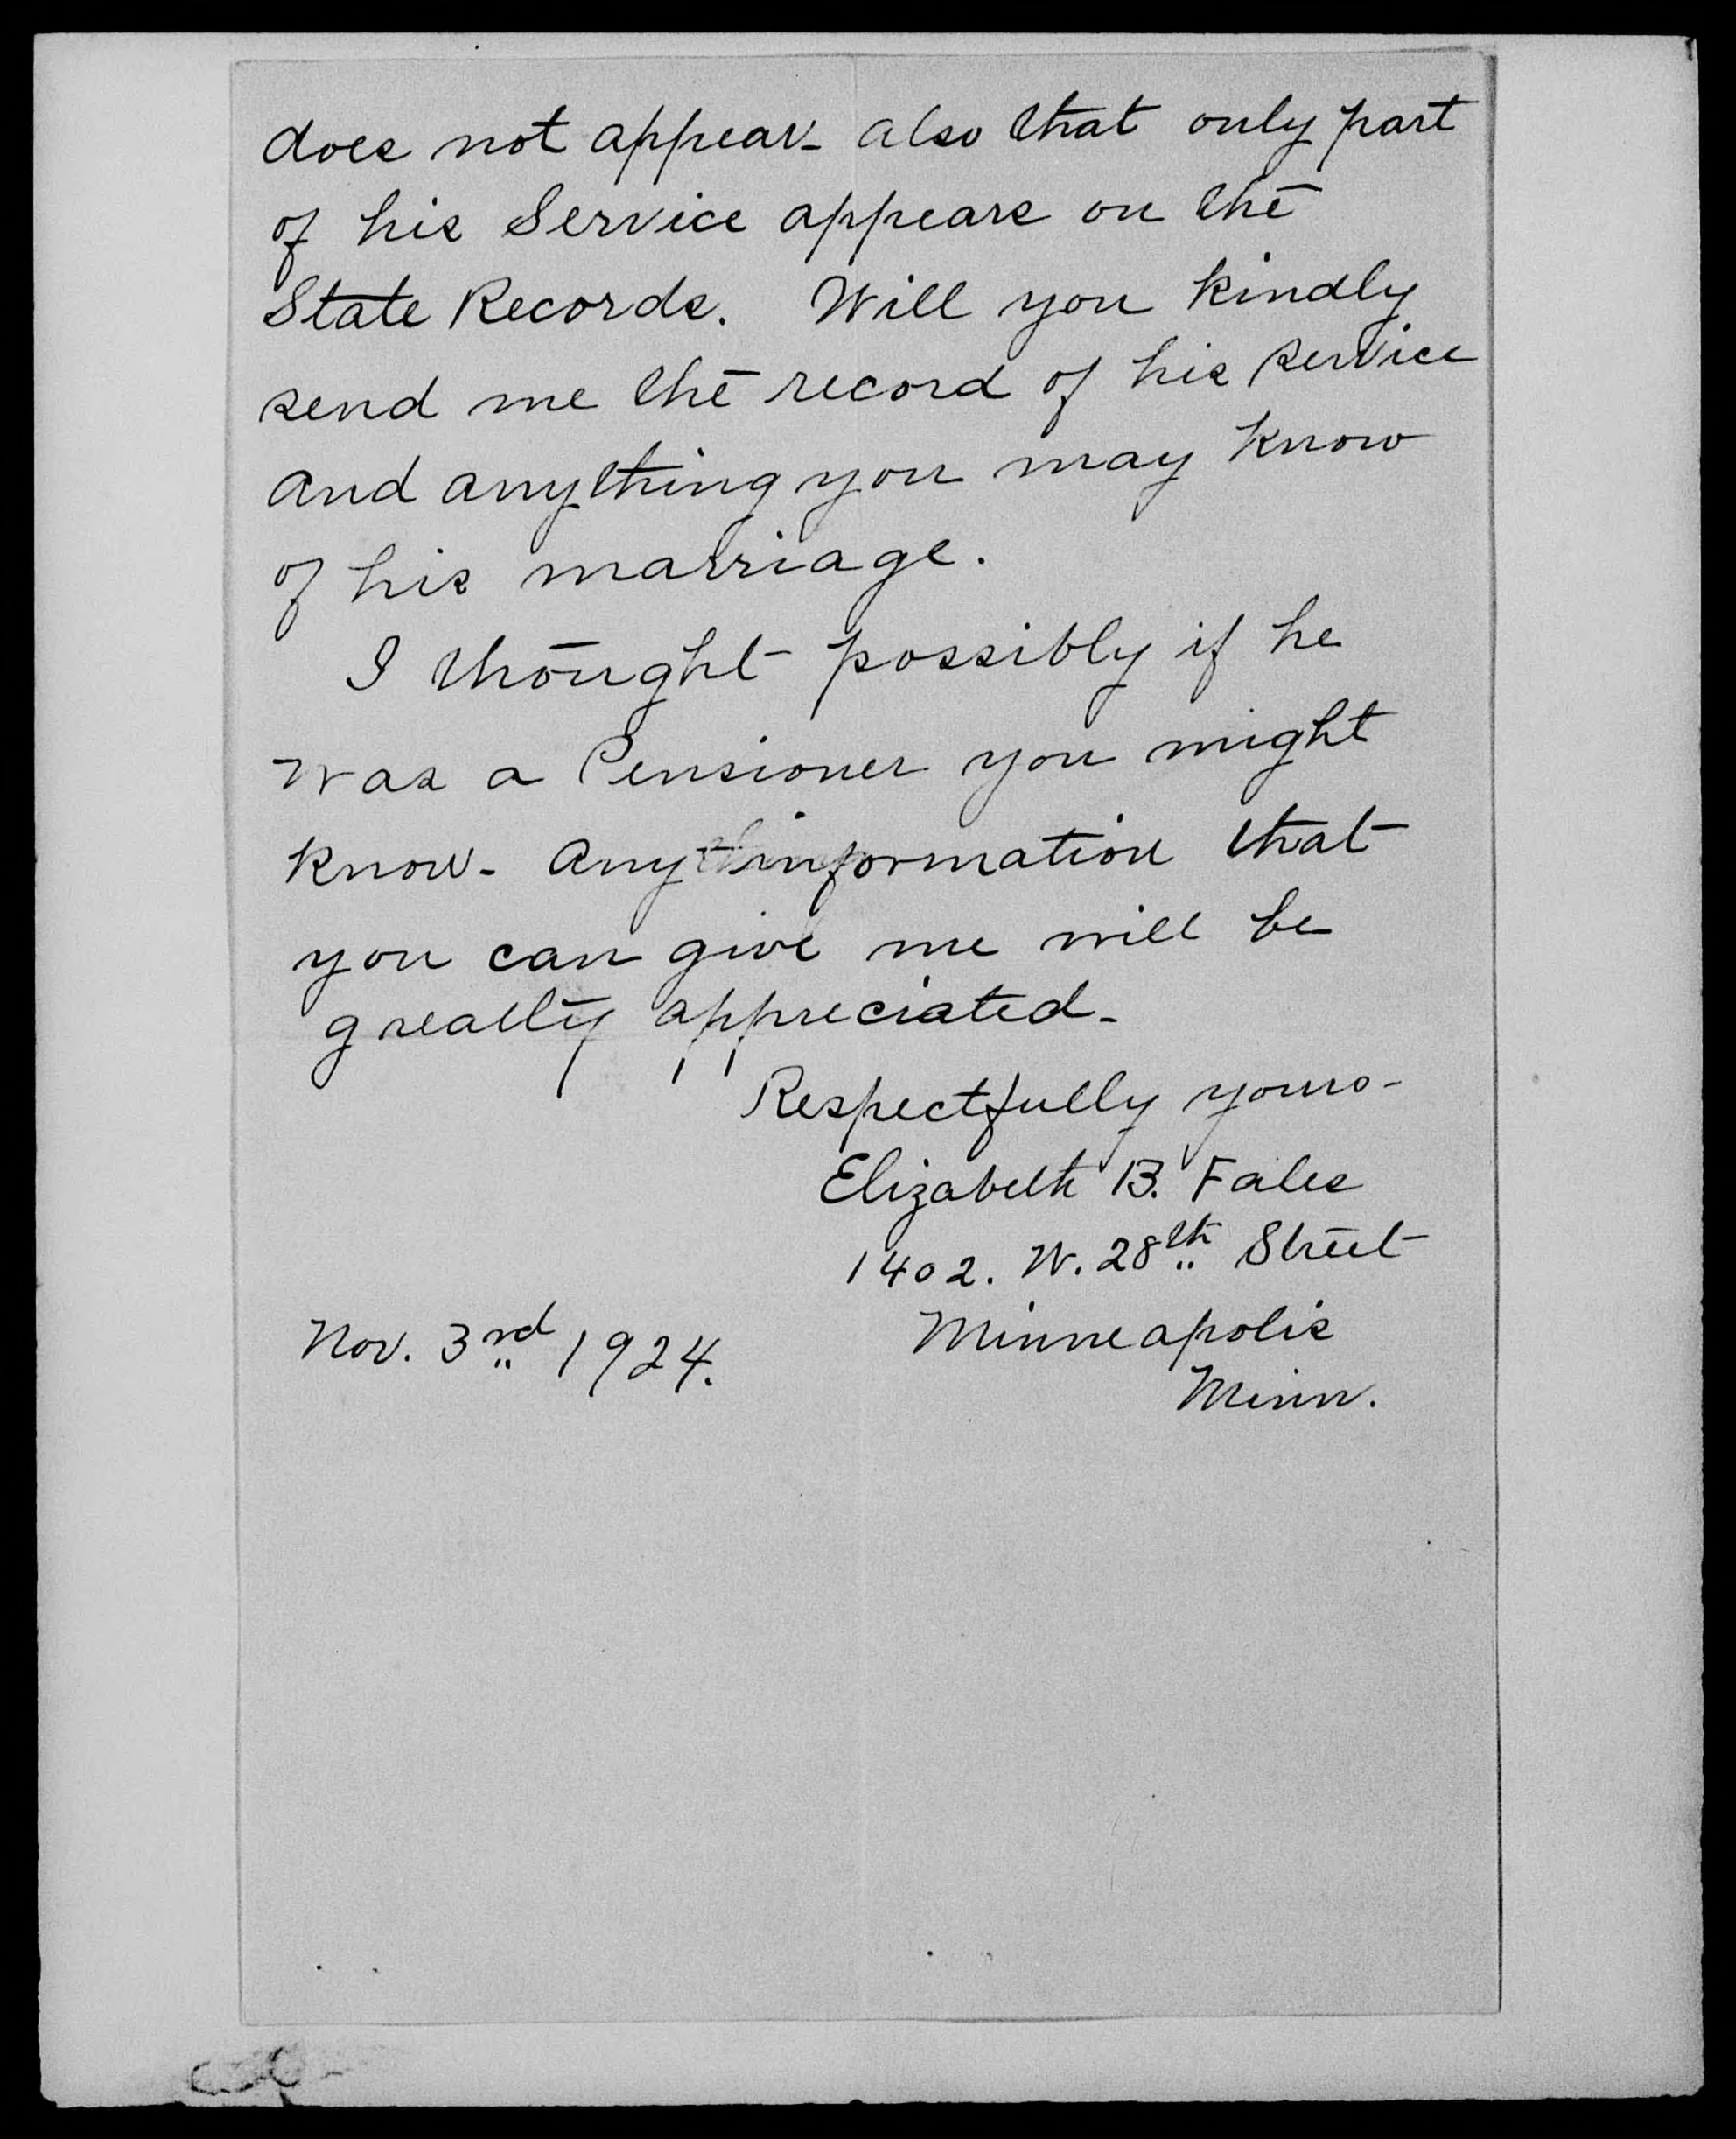does not appear also that only part of his Service appears on  the State Records.  Will you kindly send me the record of his service and anything you may know of his marriage.

I thought possibly if he was a pensioner you might know.  Any information that you can give me will be quality appreciated.

Respectfully  yours
Elizabeth B. Fales 
1402 W 28th Street
Mineapolis
Minn.

Nov. 3rd 1924.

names: Elizabeth B Fales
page: 21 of 63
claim: survivor's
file: S. 18457, Elisha Hubbard, Conn. Continental